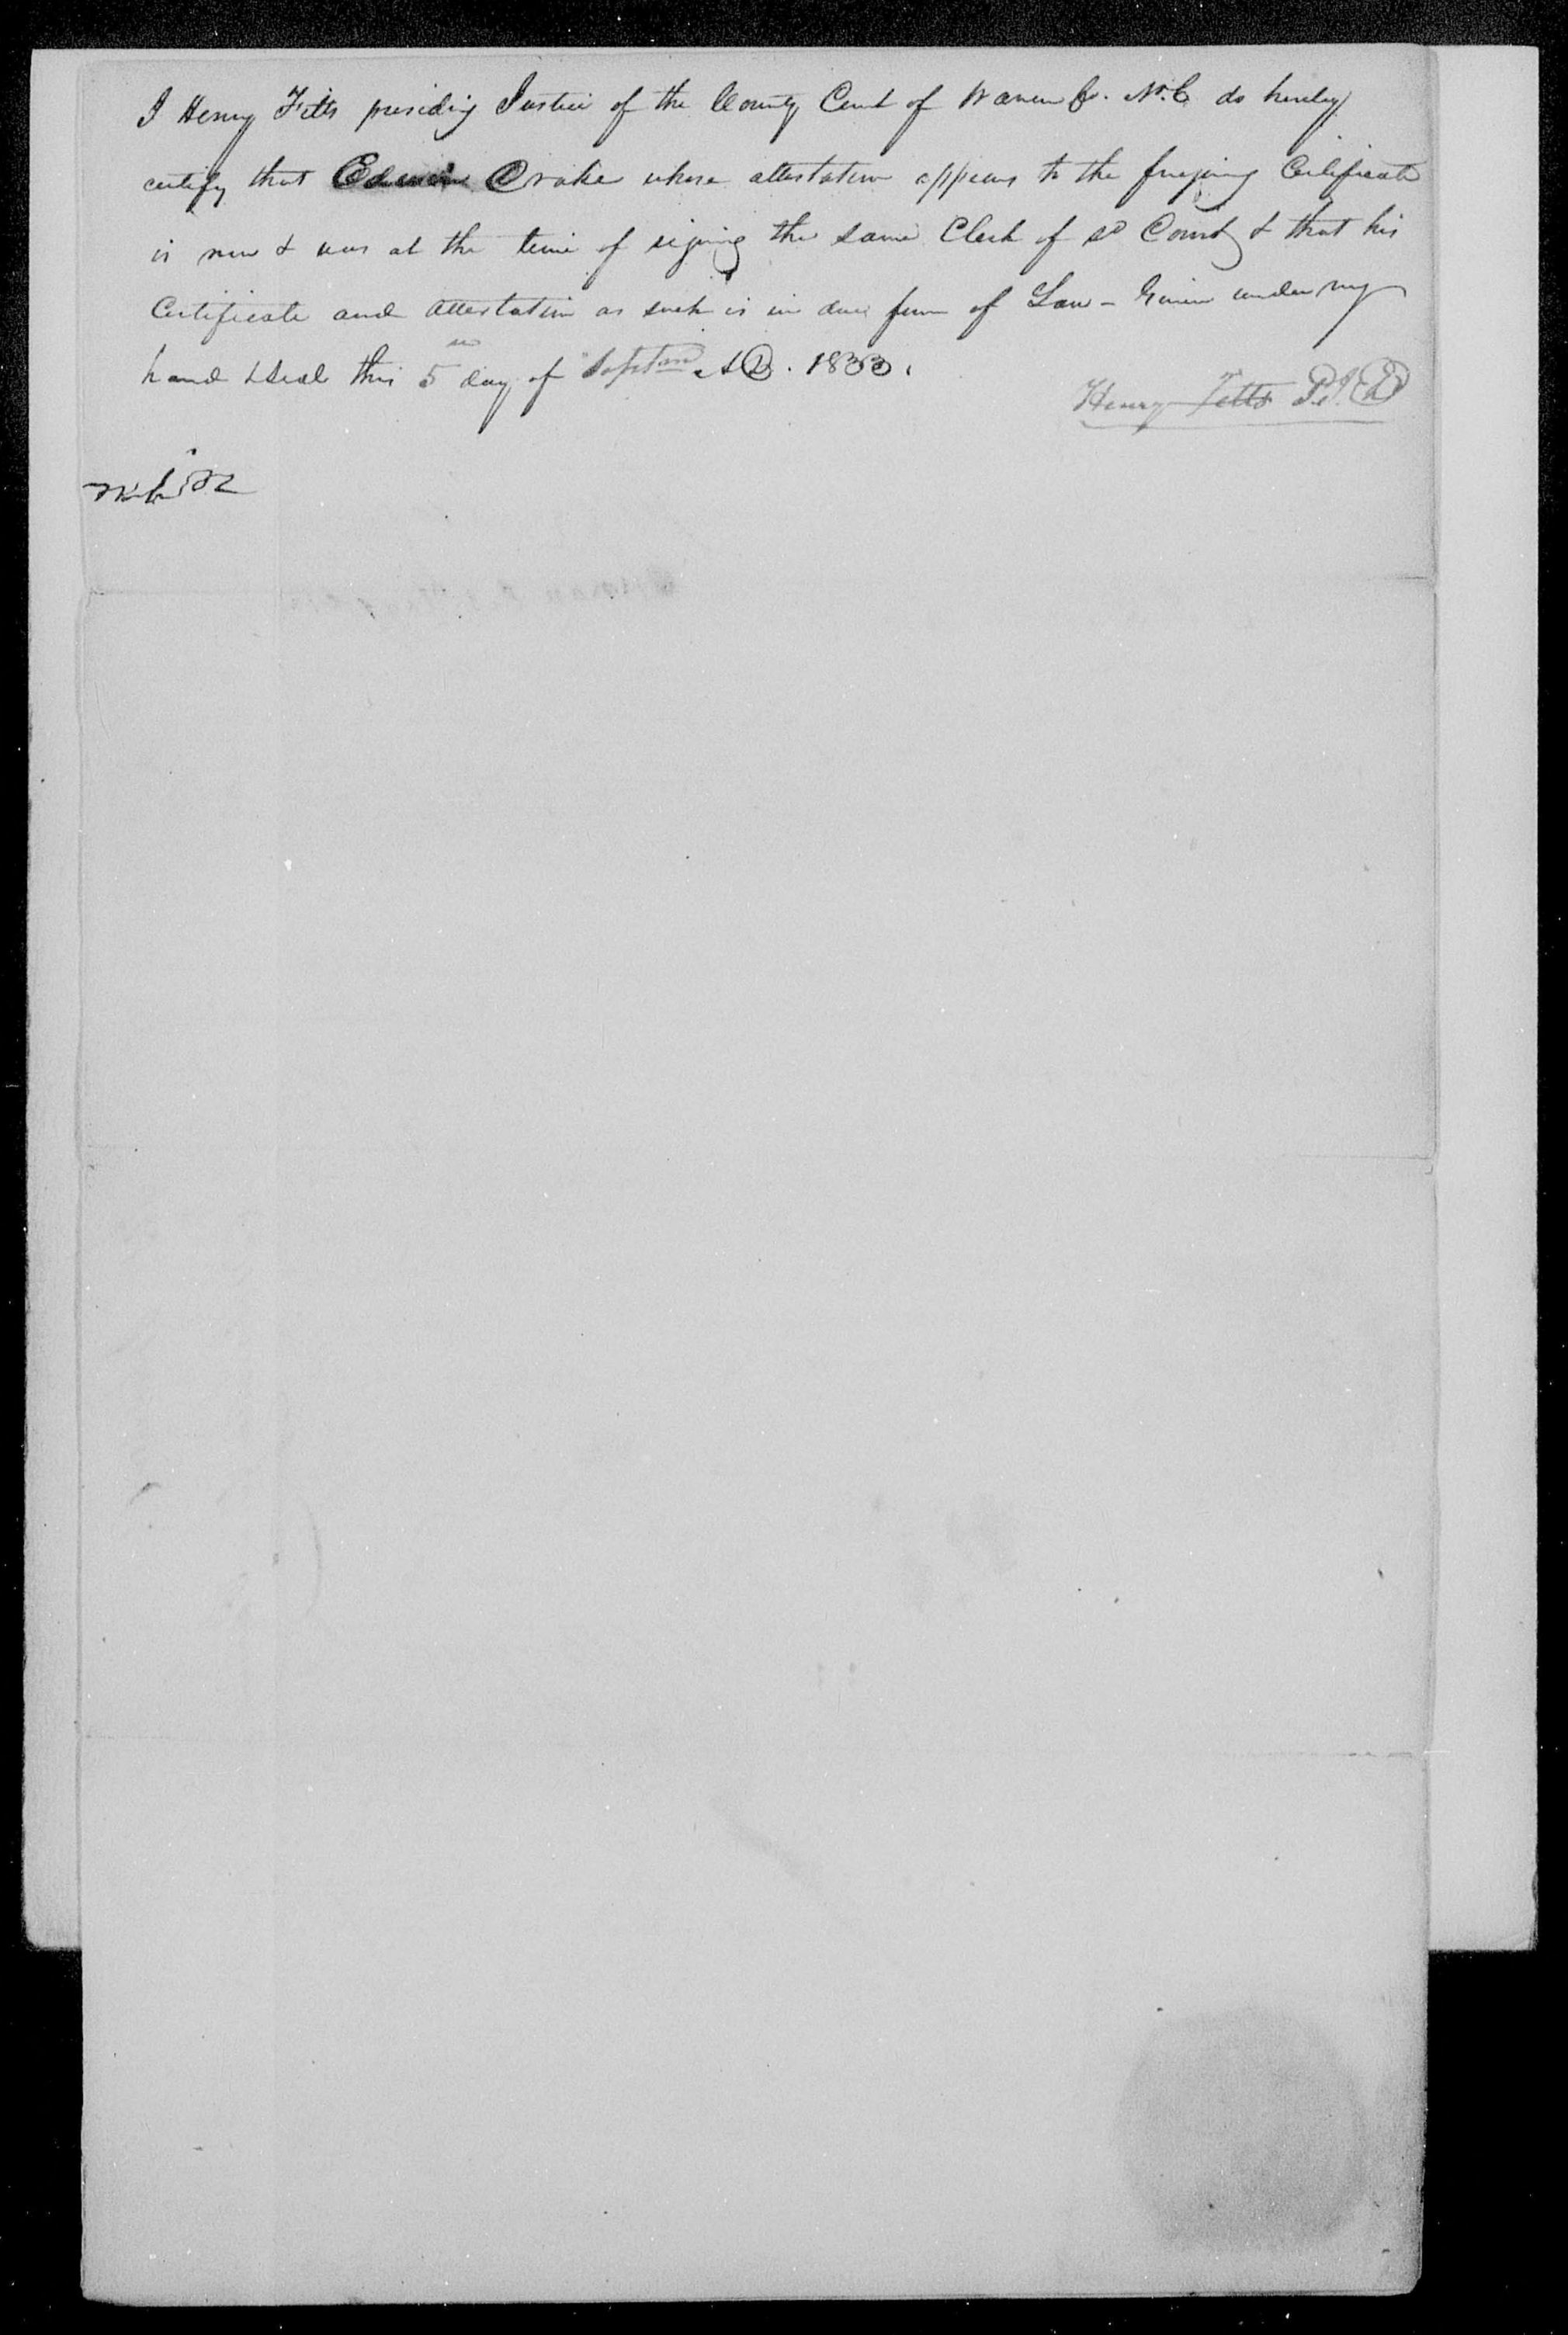[handwritten]

I Henry Fitts presiding Justice of the County Court of Warren C. N.C. do hereby certify that Edwin Drake where attestation appears to the foregoing certificate is now & was at the time of signing the same Clerk of sd Court & that his Certificate and attestation as such is in due form of Law Given under my hand & seal this 5 day of Sept A.D. 1833.
Henry Fitts JP seal [hand-circled]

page: 8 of 9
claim: survivor's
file: S. 7085, for Joseph Johnson, North Carolina